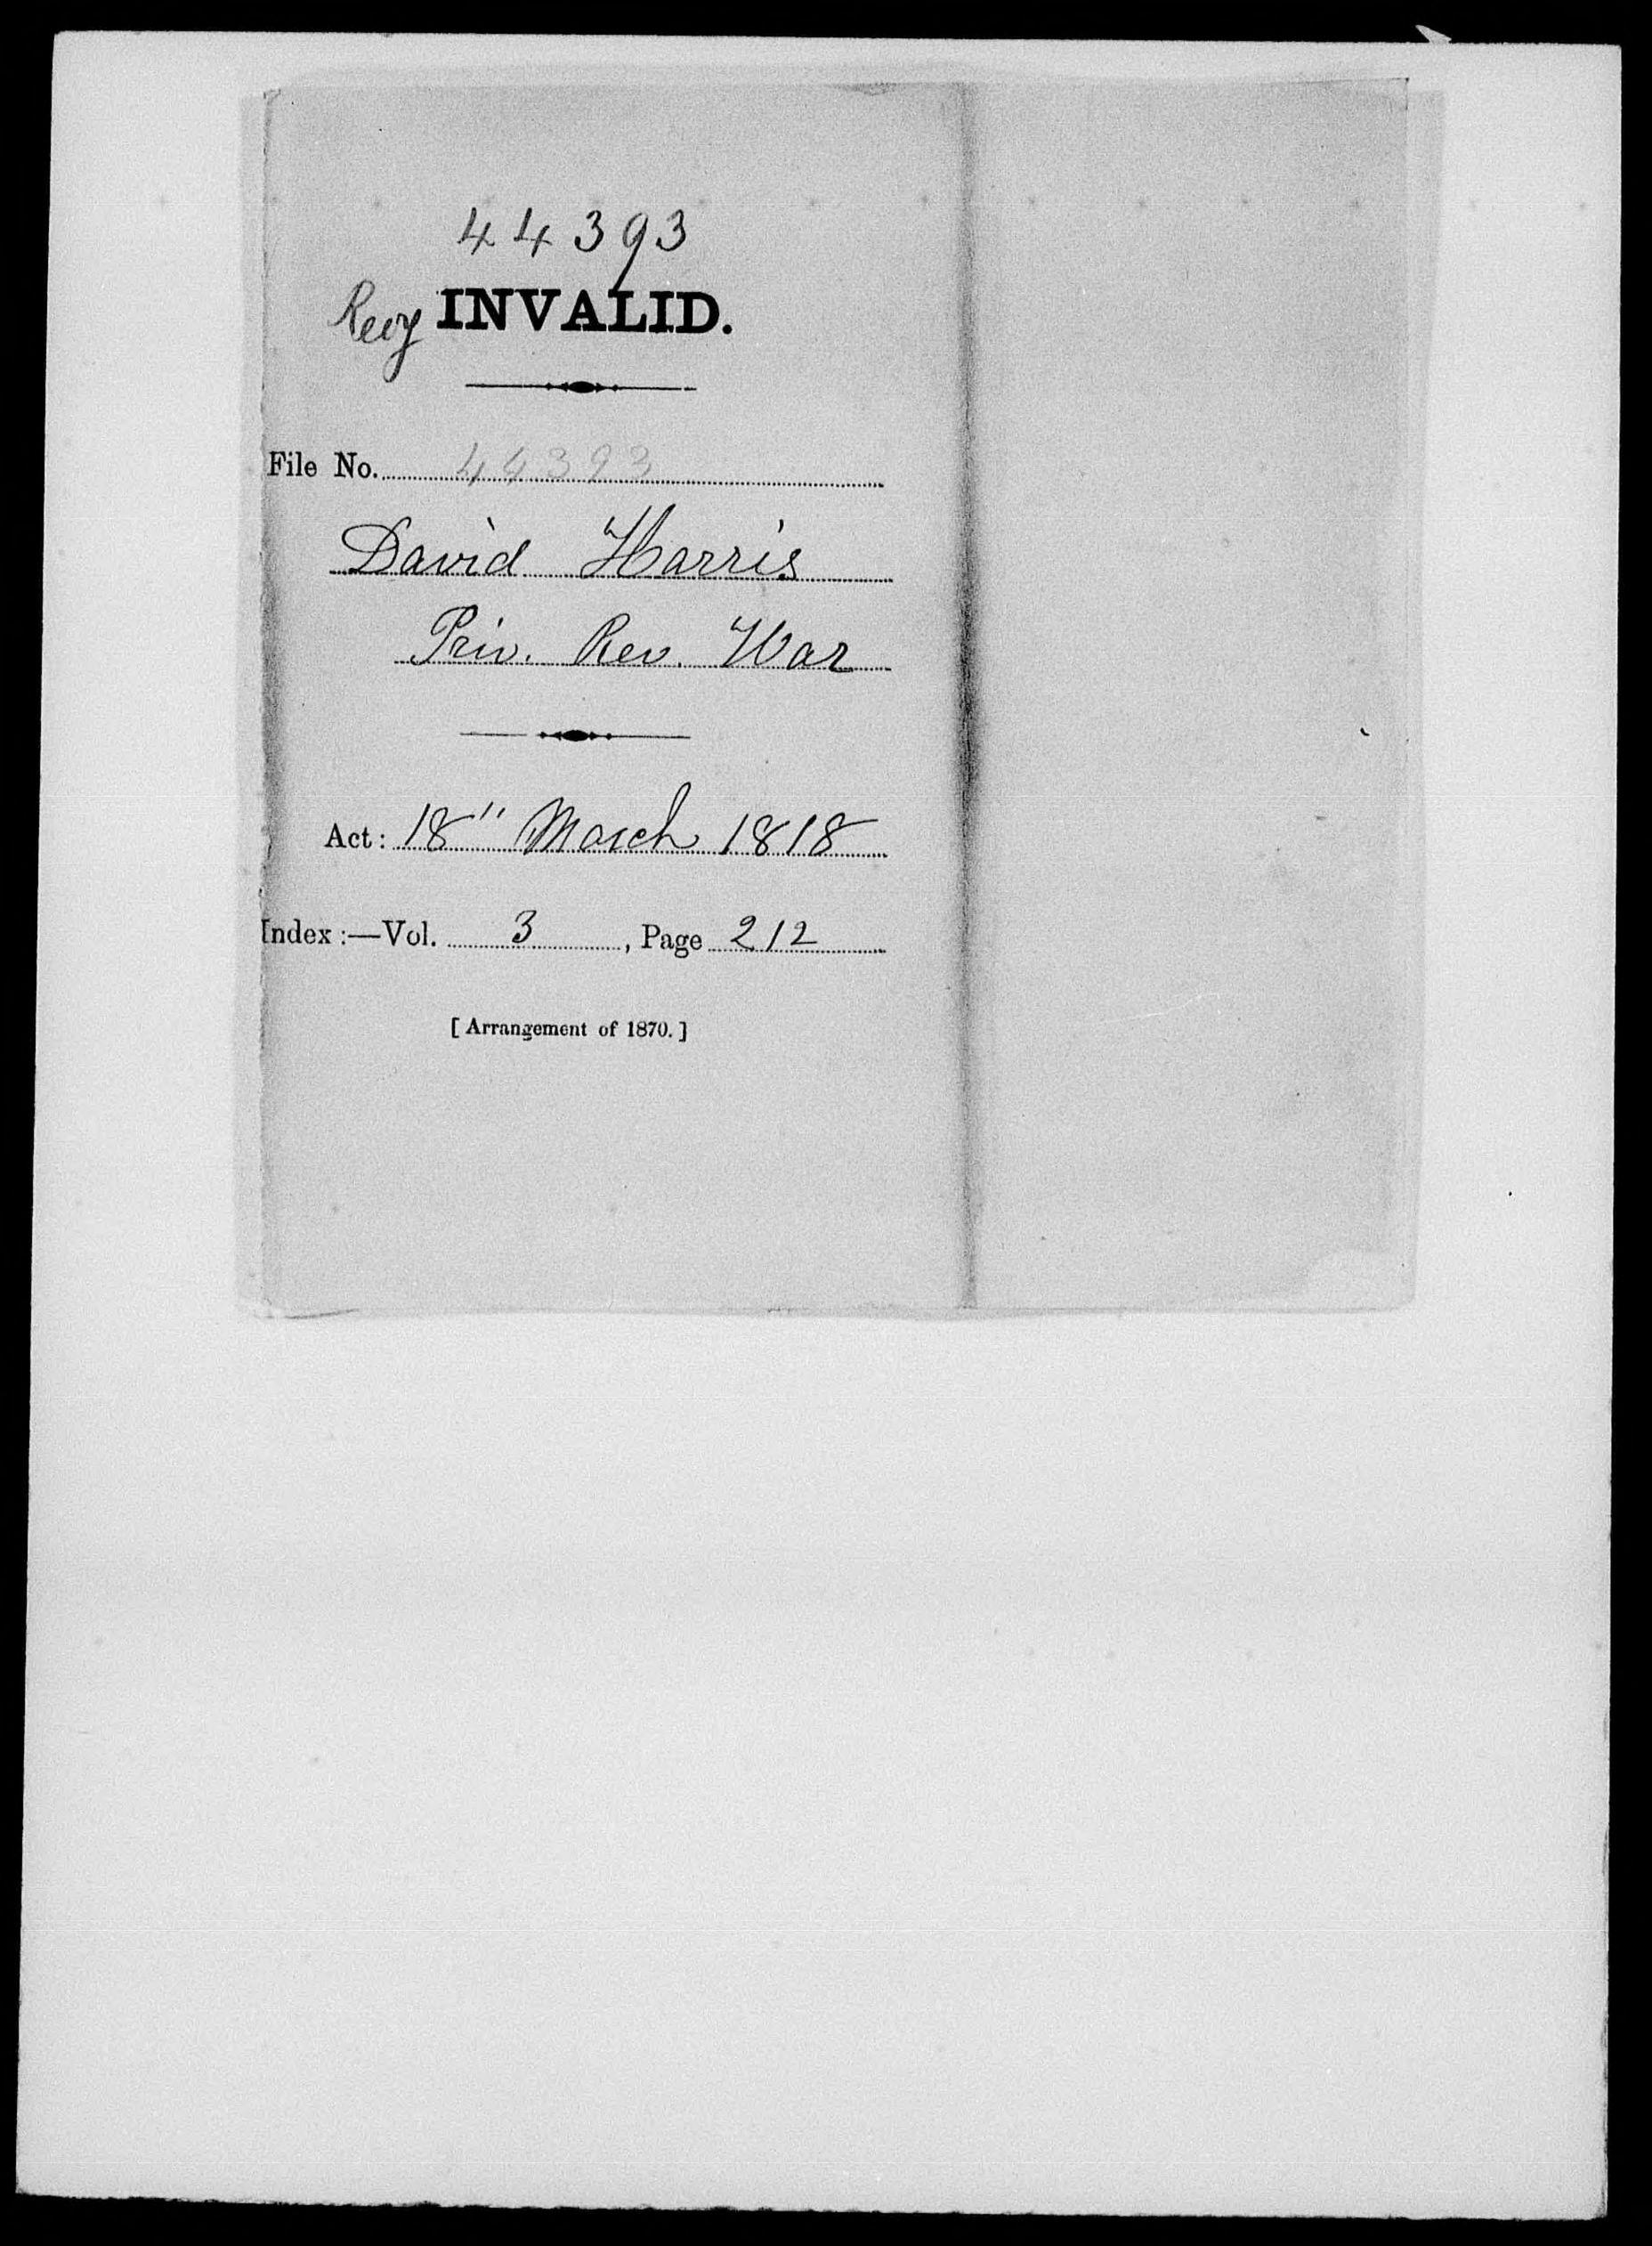44393
INVALID

File No.  49393
David Harris
Priv Rev War
Act" 18th March 1818
Index;-Vol.3, Page 212

Arrangement of 1870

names: David Harris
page: 2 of 11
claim: survivor's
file: S. 44393, David Harris, Mass.